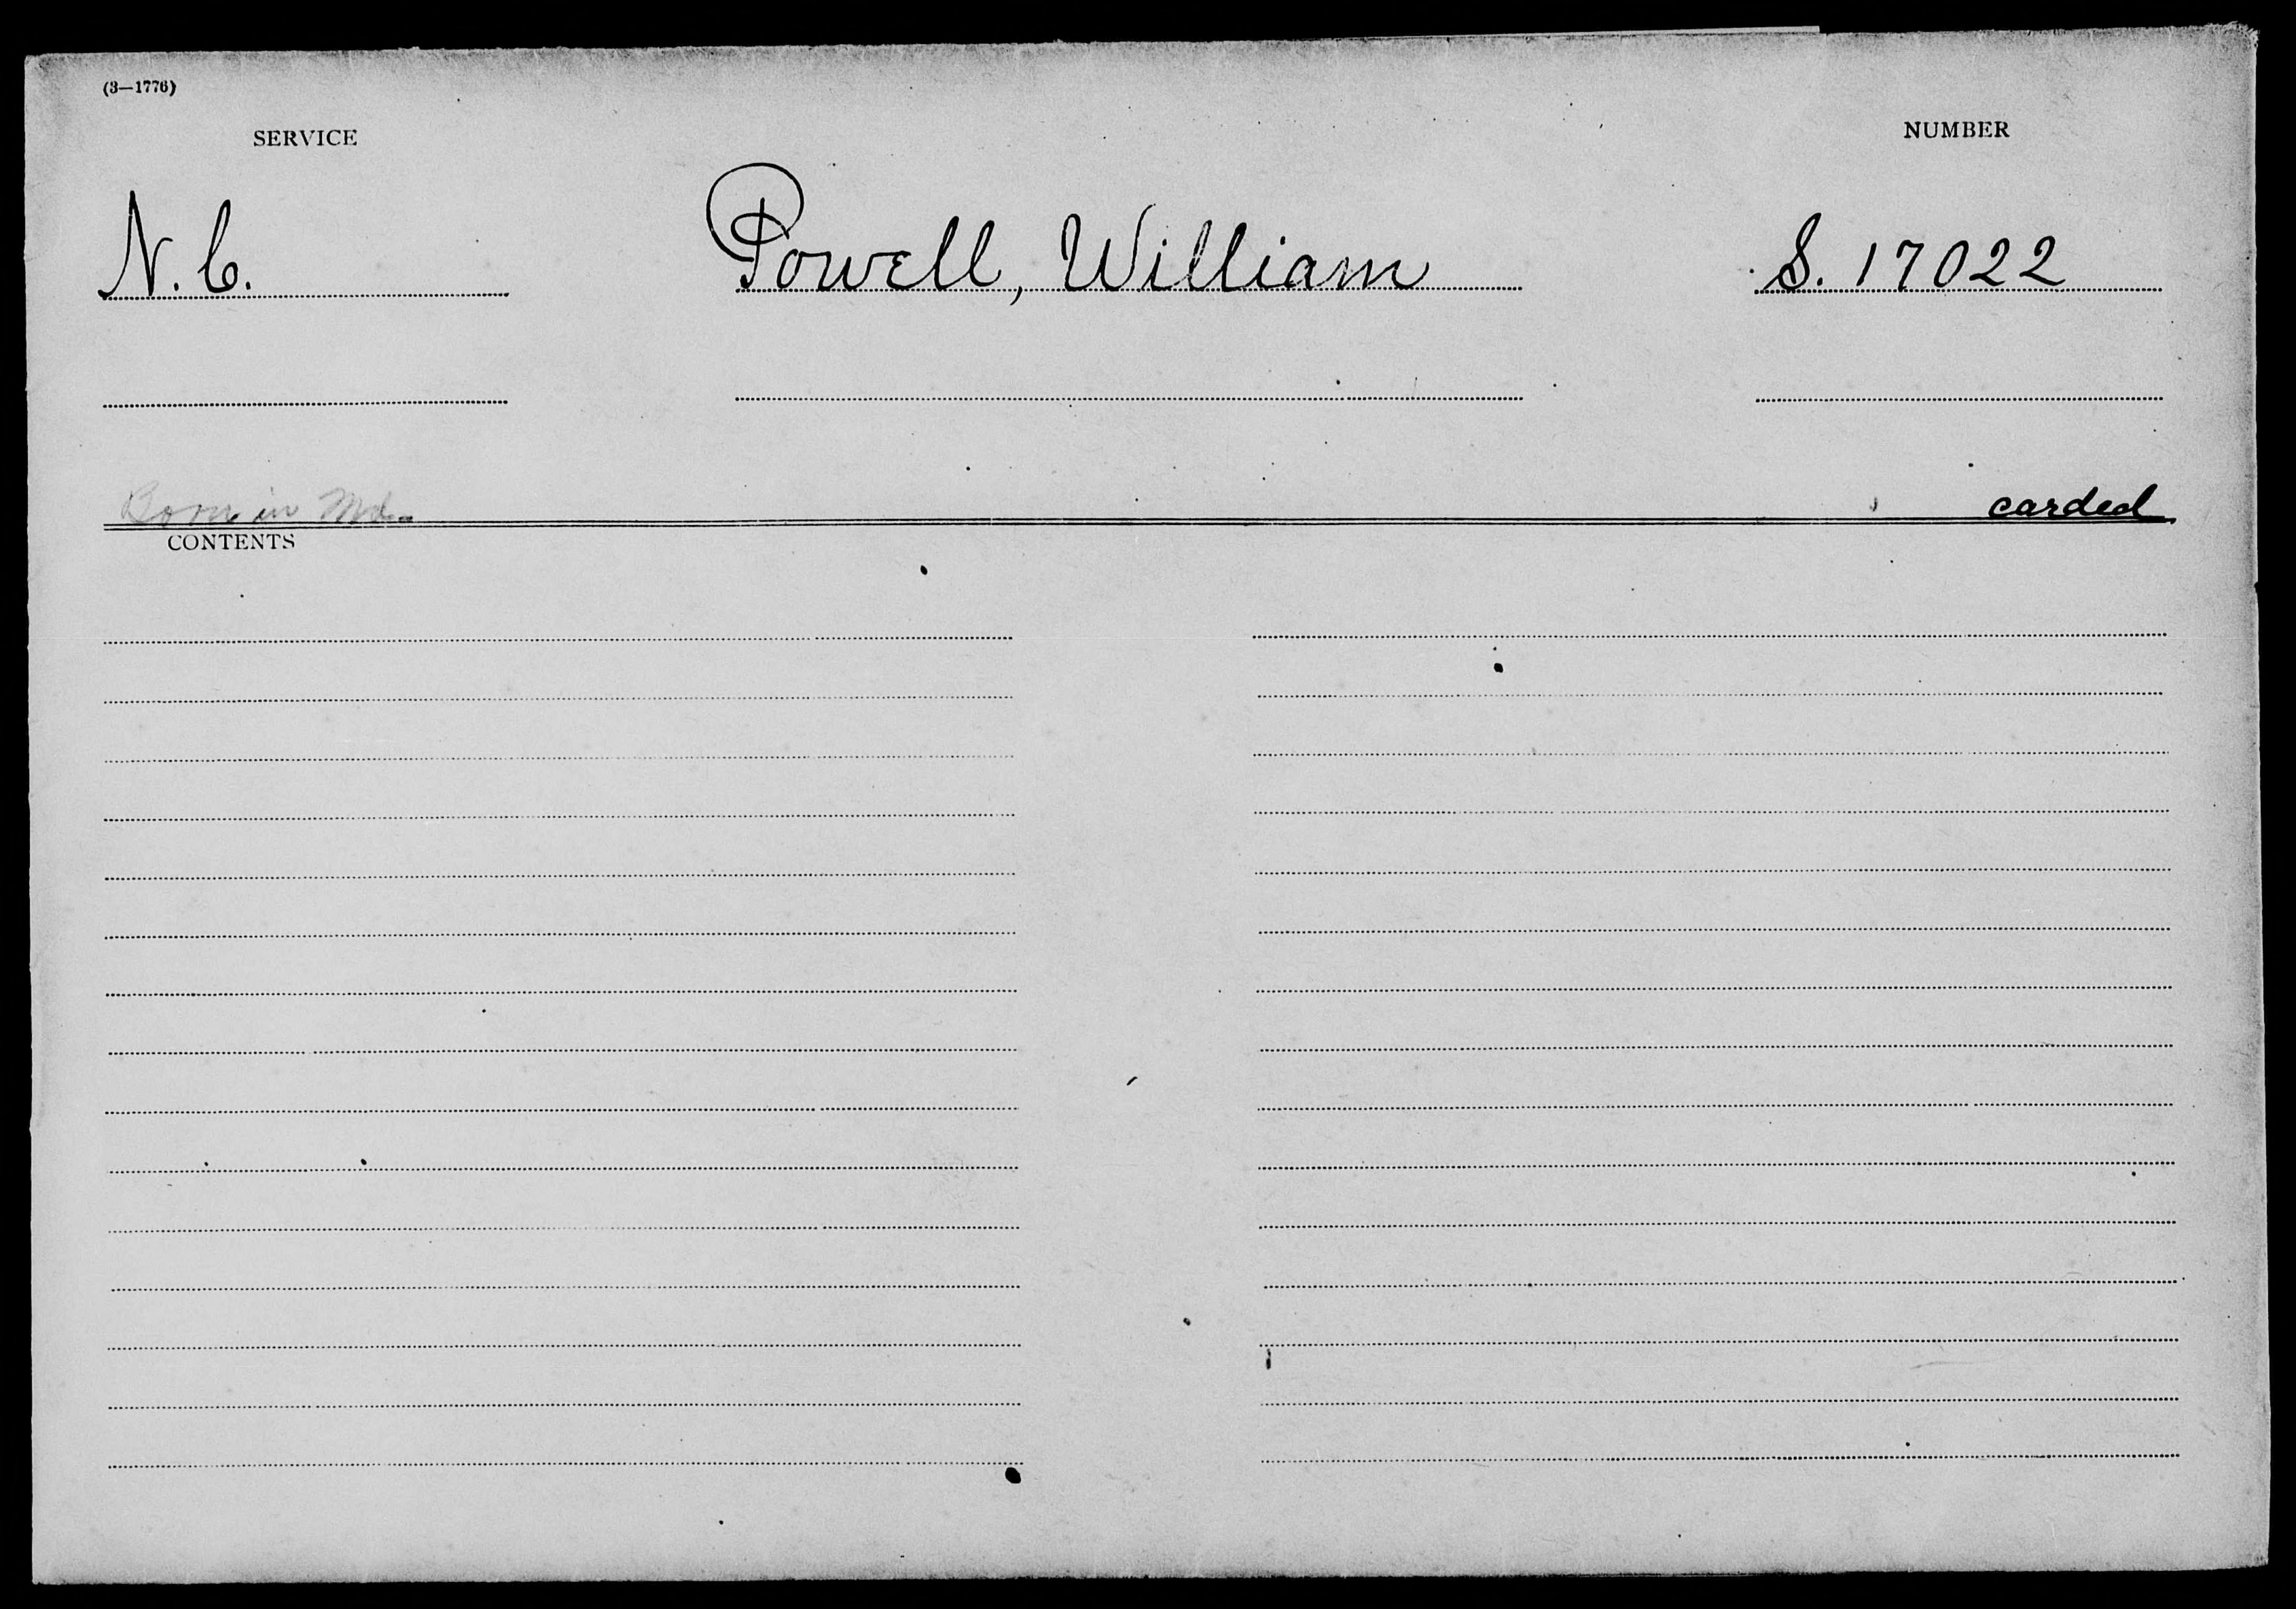Service                                Number
N. C.    Powell, William     S.17022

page: 1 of 19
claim: survivor's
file: S. 17022, for William Powell, North Carolina